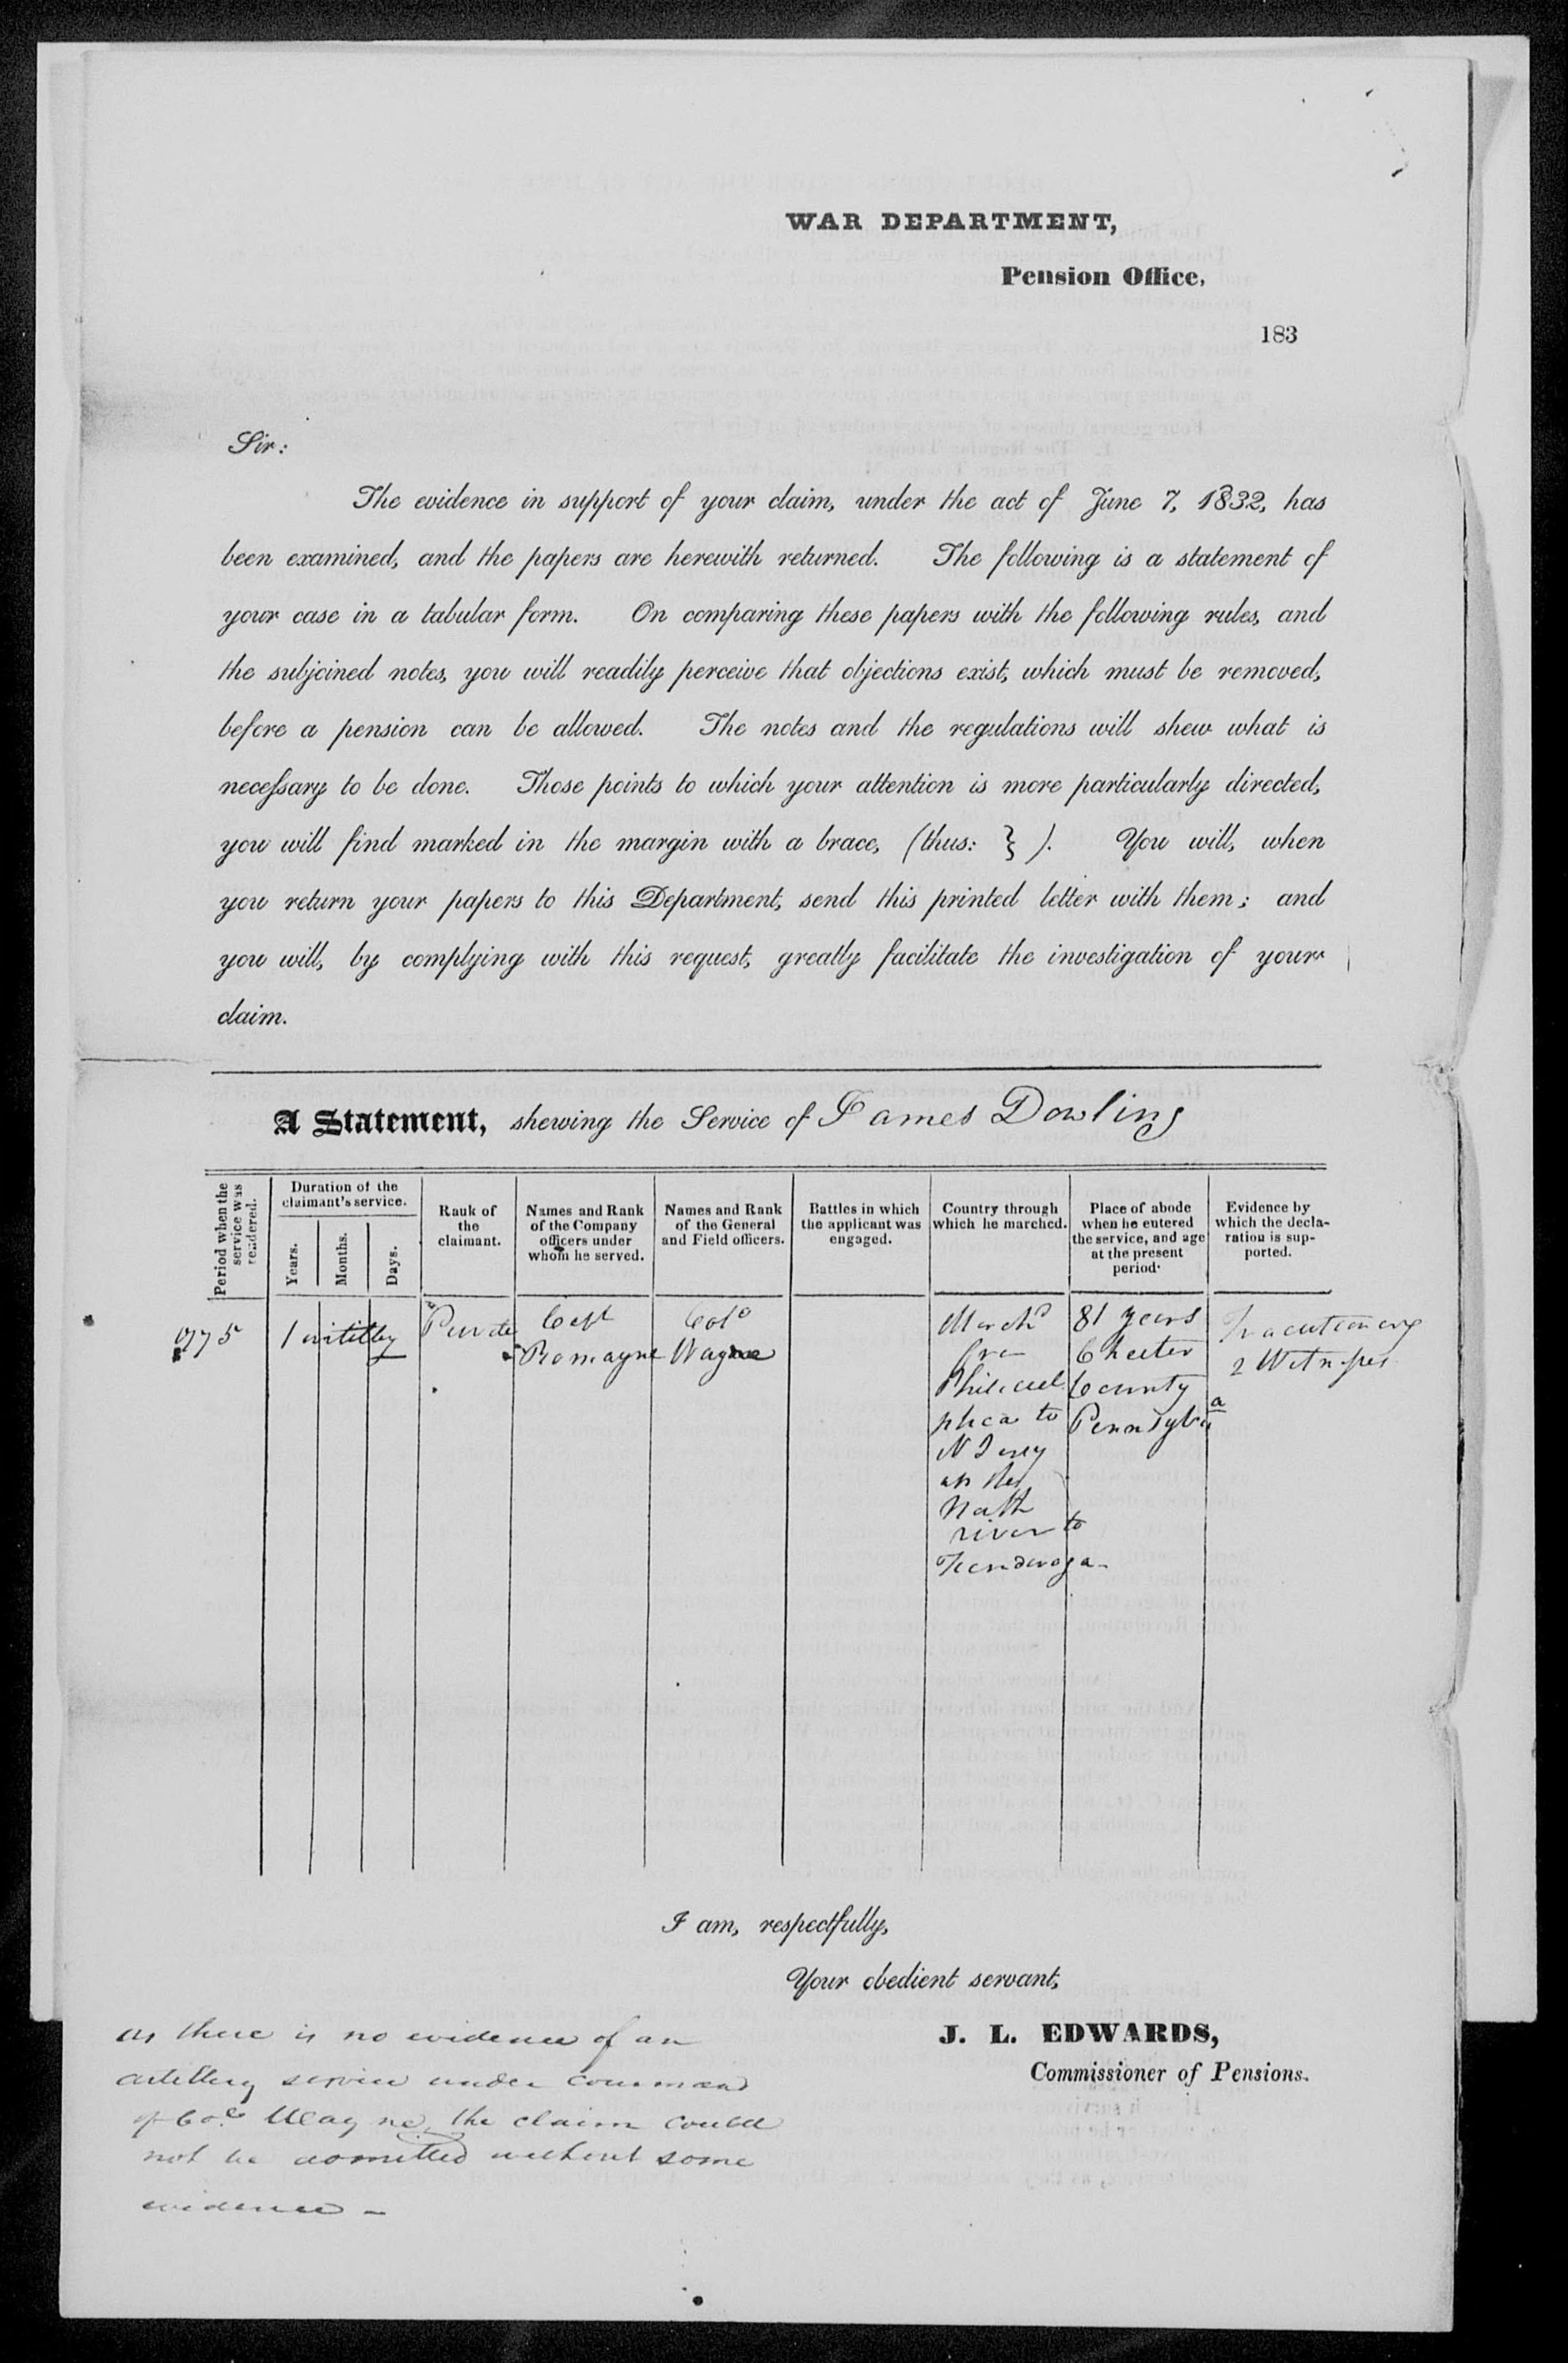War Department, Pension Office, 183
Sir:
The evidence in support of your claim, under the act of June 7, 1832, has been examined, and the papers are herewith returned. The following is a statement of your case in a tabular form. On comparing these papers with the following rules, and the subjoined notes, you will readily perceive that objections exist, which must be removed, before a pension can be allowed. The notes and the regulations will shew what is necessary to be done. Those points to which your attention is more particularly directed, you will find marked in the margin with a brace, (thus: } ). You will, when you return your papers to this Department, send this printed letter with them; and you will, by complying with this request, greatly facilitate the investigation of your claim.

A Statement, shewing the Service of James Dowling

Period when the service was rendered. 1775
Duration of the claimant's service.  1 year artillery 
Rank of the claimant. Private
Names and Rank of the Company officers under whom he service. Capt. Romayne
Names and Rank of the General and Field officers. Col. Wayne
Battles in which the applicant was engaged.
Country through which he marched. Marched from Philadelphia to N. Jersey at the North river to Ticonderoga.
Place of abode when he entered the service, and age at the present period. 81 years, Chester County Pennsylvania
Evidence by which the declaration is supported. Traditionary 2 witnesses
I am, respectfully,  Your obedient servant,
J. L. Edwards, Commissioner of Pensions.

As there is no evidence of an artillery service under command of Col Wayne, the claim could not be admitted without some evidence.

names: J L Edwards, Wayne, James Dowling, Romayne, Wayne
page: 7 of 17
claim: survivor's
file: S. 10575, James Dowling, Penn.